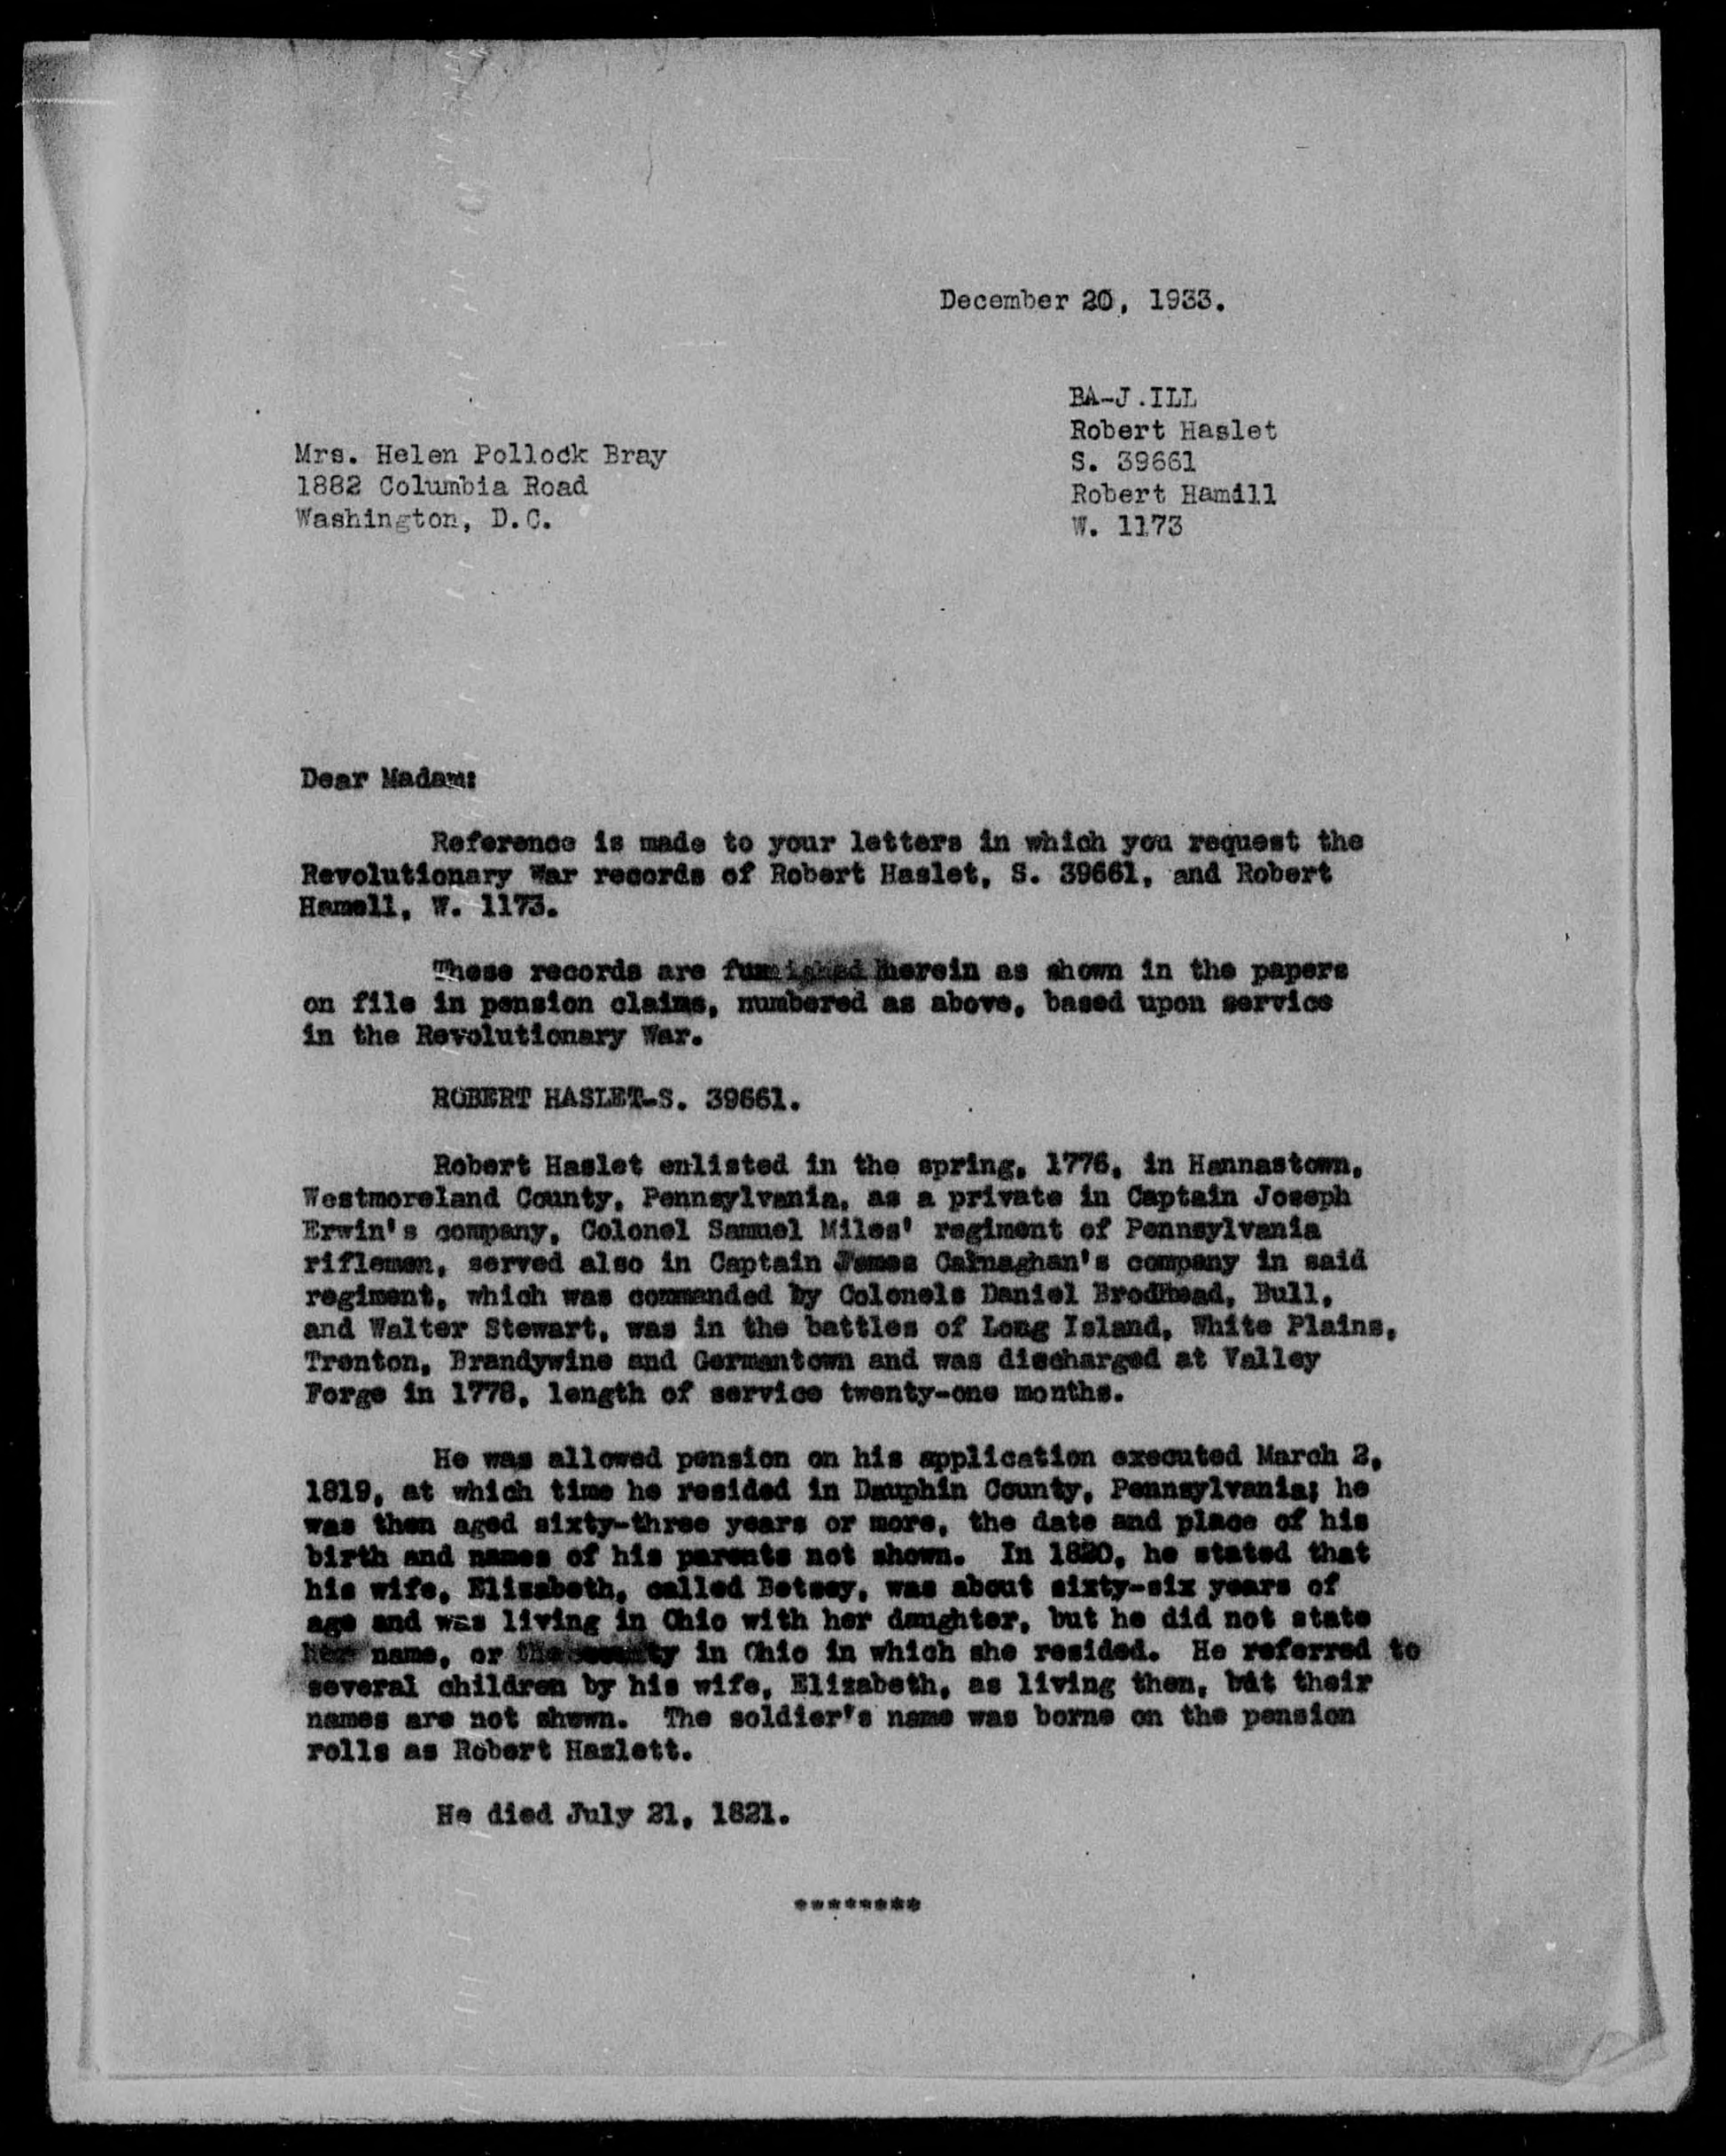December 20, 1933

BA-J. Ill
Robert Haslet
S. 39661
Robert Hamill
W 1173

Mrs. Helen Pollock Bray
1882 Columbia Road
Washington, D.C.

Dear Madam:

Reference is made to your letters in which you request the Revolutionary War records of Robert Haslet, S 39661, and Robert Hamell, W. 1173.

These records are furnished herein as shown in the papers on file in pension claims numbered as above, based upon service in the Revolutionary War. 

Robert Haslet enlisted in the spring, 1776, in Hannastown, Westmoreland County, Pennsylvania as a private in Captain Joseph Erwin's company, Colonel Samuel Miles' regiment of Pennsylvania riflemen, served also in Captain James Carnaghan's company in said regiment, which was commanded by Colonels Daniel Brodhead, Bull, and Walter Stewart, was in the battles of Long Island, White Plains, Trenton, Brandywine and Germantown and was discharged at Valley Forge in 1778, length of service twenty-one months. 

He was allowed pension on his application executed March 2, 1819, at which time he resided in Dauphin County, Pennsylvania; he was then aged sixty-three years or more, the date and place of his birth and names of his parents not shown. In 1820, he stated that his wife, Elizabeth, called Betsey, was about six-six years of age and was living in Chie with her daughter, but he did not state her name or ____ in Chie in which she resided.  He referred to several children by his wife, Elizabeth, as living then, but their names are not shown.  The soldier's name was borne on the pension rolls as Robert Haslett. 

He died July 21, 1821.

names: Bull Stewart, Robert Haslet, Robert Haslet, Elizabeth, Robert Haslett, Elizabeth, Robert Hamell, Robert Haslet, Betsey, Robert Haslet, Helen Pollock Bray, Robert Hamill, Daniel Brodhead, Walter Stewart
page: 33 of 92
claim: widow's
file: W 1173, Robert Hamill, Penn.